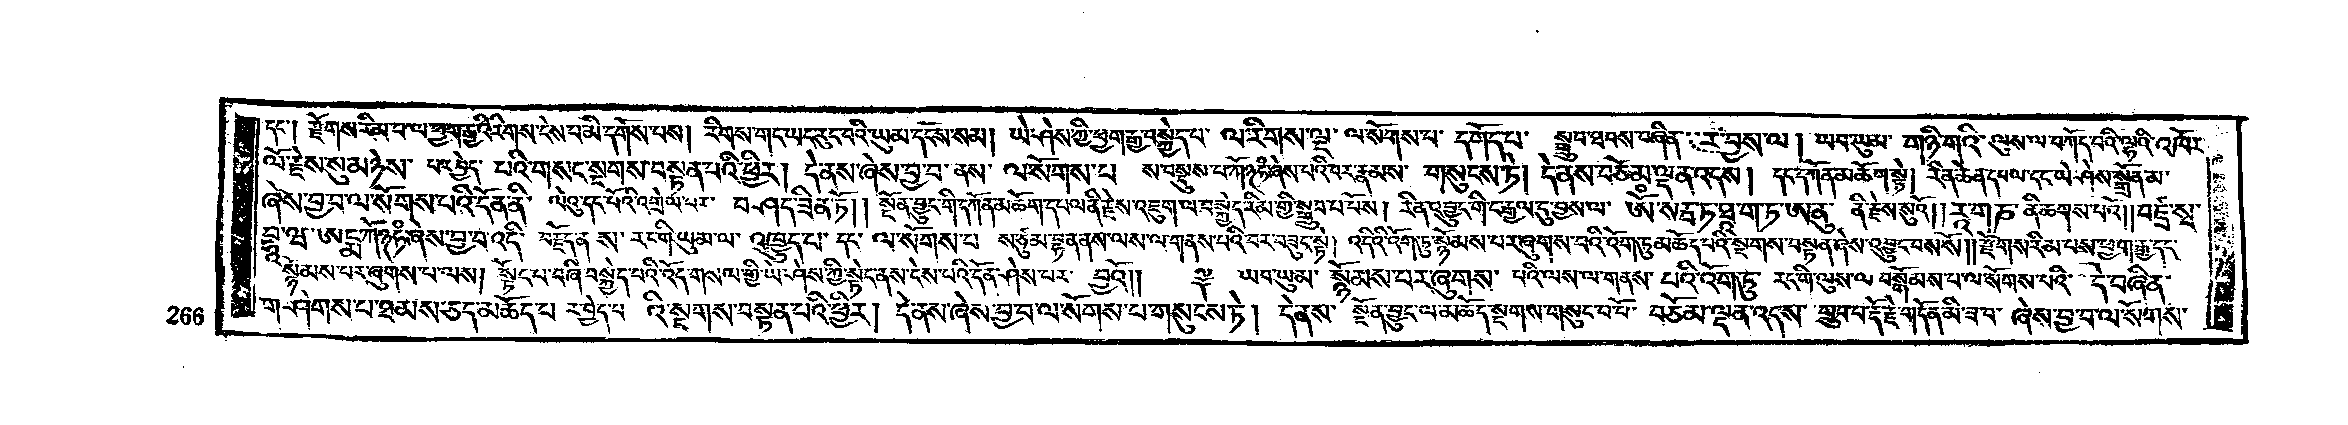དང་། རྫོགས་རིམ་པ་ལ་ཕྱག་རྒྱའི་རིགས་ངེས་པ་མི་དགོས་པས། རིགས་གང་ཡང་རུང་བའི་ཡུམ་དངོས་སམ། ཡེ་ཤེས་ཀྱི་ཕྱག་རྒྱ་བསྐྱེད་པ་ལ་རིགས་ལྔ་ལ་སོགས་པ་དགོད་པ་སྒྲུབ་ཐབས་བཞིན་ར་བྱས་ལ། ཡབ་ཡུམ་གཉི་གའི་ལུས་ལ་བཀོད་པའི་ལྷའི་འཁོར་
ལོ་རྗེས་སུ་མཉེས་པར་བྱེད་པའི་གསང་སྔགས་བསྟན་པའི་ཕྱིར། དེ་ནས་ཞེས་བྱ་བ་ནས་ལ་སོགས་པས་བསྡུས་པ་ཀོཉ་ཧཾ་ཞེས་པའི་བར་རྣམས་གསུངས་ཏེ། དེ་ནས་བཅོམ་ལྡན་འདས། དང་དཀོན་མཆོག་སྟེ། རིན་ཆེན་དཔལ་དང་ཡེ་ཤེས་སྒྲོན་མ
ཞེས་བྱ་བ་ལ་སོགས་པའི་དོན་ནི་ལེའུ་དང་པོའི་འགྲེལ་པར་བཤད་ཟིན་ཏོ། ། སྔོན་བྱུང་གི་དཀོན་མཆོག་དཔལ་ནི་རྗེས་འཇུག་ལ་བསྐྱེད་རིམ་གྱི་སྒྲུབ་པ་པོས། རིན་འབྱུང་གི་ང་རྒྱལ་དུ་བྱས་ལ་ཨོཾ་སརྦ་ཏ་ཐཱ་ག་ཏ་ཨ་ནུ་ནི་རྗེས་སུའོ། །རཱ་ག་ཎ་ནི་ཆགས་པའོ། །བཛྲ་སྭ་
བྷཱ་ཝ་ཨདམ་ཀོཉ་ཧཾ་ཞེས་བྱ་བ་འདི་བརྗོད་ནས་རང་གི་ཡུམ་ལ་འཁྱུད་པ་དང་ལ་སོགས་པས་ཙུམ་བྷ་ན་ནས་ལས་ལ་གནས་པའི་བར་བཟུང་སྟེ། འདིའི་འོག་ཏུ་སྙོམས་པར་ཞུགས་པའི་འོག་ཏུ་མཆོད་པའི་སྔགས་བསྟན་ཞེས་འབྱུང་བས་སོ། །རྫོགས་རིམ་པས་ཕྱག་རྒྱ་དང་
སྙོམས་པར་ཞུགས་པ་ལས། སྟོང་པ་བཞི་བསྐྱེད་པའི་འོད་གསལ་གྱི་ཡེ་ཤེས་ཀྱི་སྟེང་ནས་ངེས་པའི་དོན་ཤེས་པར་བྱའོ།། ༈ ཡབ་ཡུམ་སྙོམས་པར་ཞུགས་པའི་ལས་ལ་གནས་པའི་འོག་ཏུ་རང་གི་ལུས་ལ་བསྒོམས་པ་ལ་སོགས་པའི་དེ་བཞིན་
གཤེགས་པ་ཐམས་ཅད་མཆོད་པར་བྱེད་པའི་སྔགས་བསྟན་པའི་ཕྱིར། དེ་ནས་ཞེས་བྱ་བ་ལ་སོགས་པ་གསུངས་ཏེ། དེ་ནས་སྔོན་བྱུང་ལ་མཆོད་སྔགས་གསུང་བ་པོ་བཅོམ་ལྡན་འདས་གྲུབ་པ་རྡོ་རྗེ་གདོན་མི་ཟ་བ་ཞེས་བྱ་བ་ལ་སོགས་